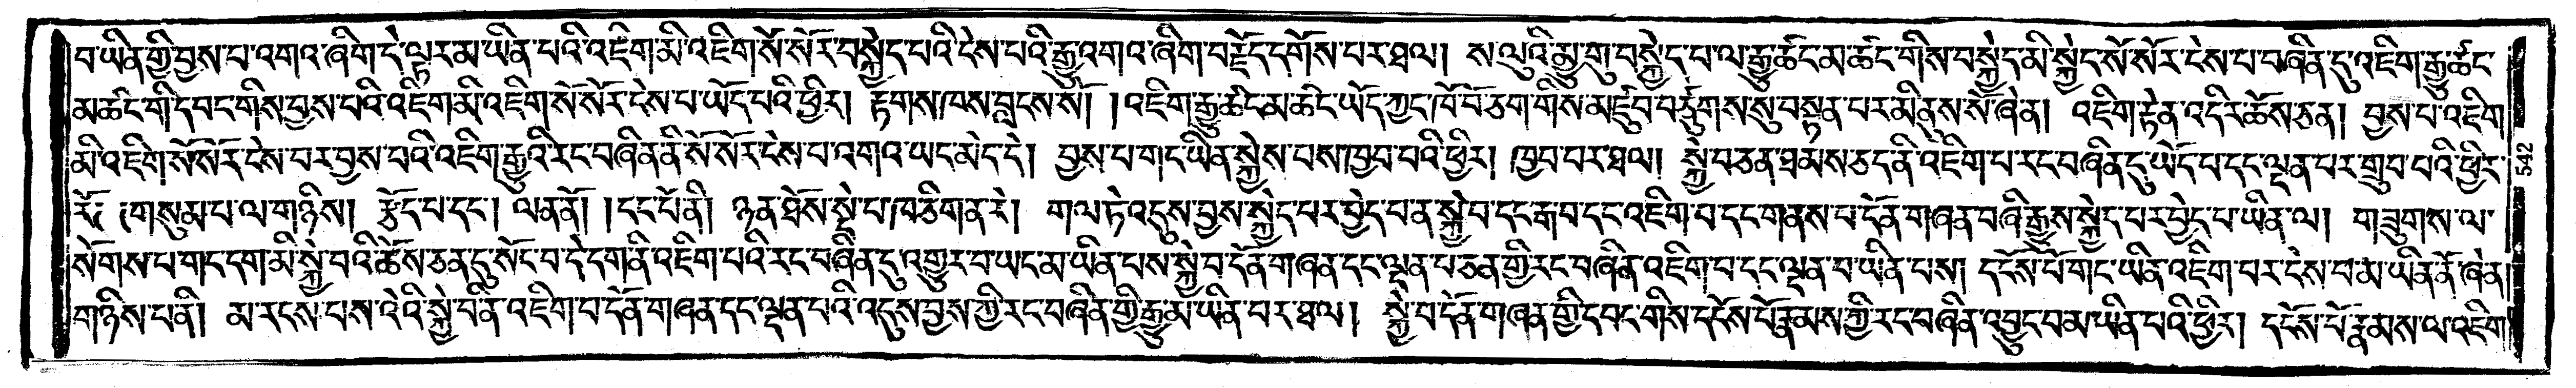པ་ཡིན་གྱི་བྱས་པ་འགའ་ཞིག་དེ་ལྟར་མ་ཡིན་པའི་འཇིག་མི་འཇིག་སོ་སོར་བསྐྱེད་པའི་ངེས་པའི་རྒྱུ་འགའ་ཞིག་བརྗོད་དགོས་པར་ཐལ། ས་ལུའི་མྱུ་གུ་བསྐྱེད་པ་ལ་རྒྱུ་ཚང་མ་ཚང་གིས་བསྐྱེད་མི་སྐྱེད་སོ་སོར་ངེས་པ་བཞིན་དུ་འཇིག་རྒྱུ་ཚང་
མ་ཚང་གི་དབང་གིས་བྱས་པའི་འཇིག་མི་འཇིག་སོ་སོར་ངེས་པ་ཡོད་པའི་ཕྱིར། རྟགས་ཁས་བླངས་སོ། །འཇིག་རྒྱུ་ཚང་མ་ཚང་ཡོད་ཀྱང་ཁོ་བོ་ཅག་གིས་མཛུབ་བཙུགས་སུ་བསྟན་པར་མི་ནུས་སོ་ཞེ་ན། འཇིག་རྟེན་འདིར་ཆོས་ཅན། བྱས་པ་འཇིག་
མི་འཇིག་སོ་སོར་ངེས་པར་བྱས་པའི་འཇིག་རྒྱུའི་རང་བཞིན་ནི་སོ་སོར་ངེས་པ་འགའ་ཡང་མེད་དེ། བྱས་པ་གང་ཡིན་སྐྱེས་པས་ཁྱབ་པའི་ཕྱིར། ཁྱབ་པར་ཐལ། སྐྱེ་བ་ཅན་ཐམས་ཅད་ནི་འཇིག་པ་རང་བཞིན་དུ་ཡོད་པ་དང་ལྡན་པར་གྲུབ་པའི་ཕྱིར་
རོ། །གསུམ་པ་ལ་གཉིས། རྩོད་པ་དང་། ལན་ནོ། །དང་པོ་ནི། ཉན་ཐོས་སྡེ་པ་ཁ་ཅིག་ན་རེ། གལ་ཏེ་འདུས་བྱས་སྐྱེད་པར་བྱེད་པ་ན་སྐྱེ་བ་དང་རྒ་བ་དང་འཇིག་པ་དང་གནས་པ་དོན་གཞན་བཞི་རྒྱུས་སྐྱེད་པར་བྱེད་པ་ཡིན་ལ། གཟུགས་ལ་
སོགས་པ་གང་དག་མི་སྐྱེ་བའི་ཆོས་ཅན་དུ་སོང་བ་དེ་དག་ནི་འཇིག་པའི་རང་བཞིན་དུ་འགྱུར་པ་ཡང་མ་ཡིན་པས་སྐྱེ་བ་དོན་གཞན་དང་ལྡན་པ་ཅན་གྱི་རང་བཞིན་འཇིག་པ་དང་ལྡན་པ་ཡིན་པས། དངོས་པོ་གང་ཡིན་འཇིག་པར་ངེས་པ་མ་ཡིན་ནོ་ཞེ་ན།
གཉིས་པ་ནི། མ་རངས་པས་?་སྐྱེ་བ་ནི་འཇིག་པ་དོན་གཞན་དང་ལྡན་པའི་འདུས་བྱས་ཀྱི་རང་བཞིན་གྱི་རྒྱུ་མ་ཡིན་པར་ཐལ། སྐྱེ་བ་དོན་གཞན་གྱི་དབང་གིས་དངོས་པོ་རྣམས་ཀྱི་རང་བཞིན་འབྱུང་བ་མ་ཡིན་པའི་ཕྱིར། དངོས་པོ་རྣམས་ལ་འཇིག་